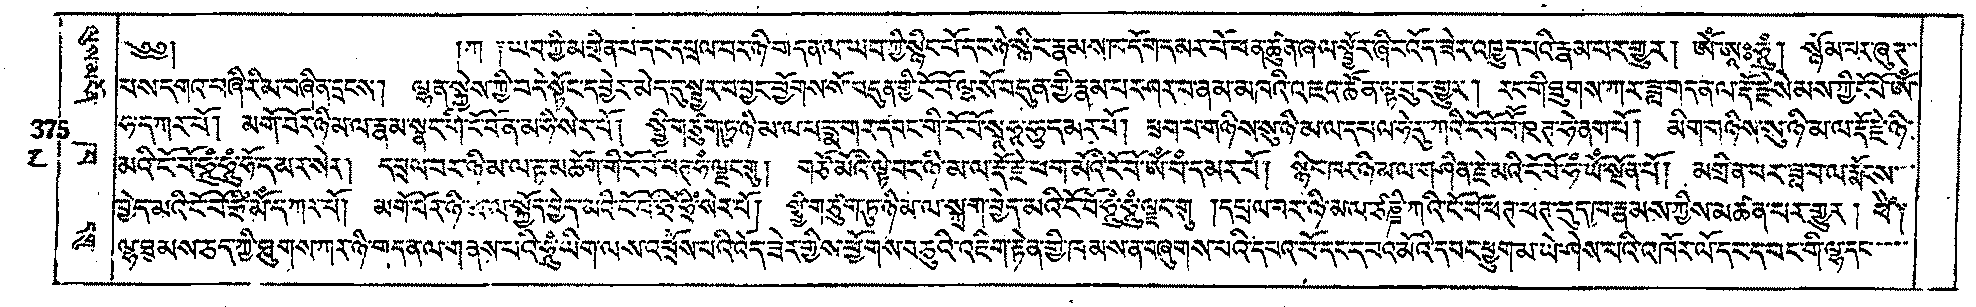༄༅། །ཀ ༑ཡབ་ཀྱི་མགྲིན་པ་དང་དཔྲལ་བར་ཉི་གདན་ལ་ཡབ་ཀྱི་སྙིང་པོ་དང་ཉེ་སྙིང་རྣམས་ཁ་དོག་དམར་པོ་ཕན་ཚུན་ཞལ་སྦྱོར་ཞིང་འོད་ཟེར་འཁྱུད་པའི་རྣམ་པར་གྱུར། ཨོཾ་ཨཱཿཧཱུཾ། སྙོམ་པར་ཞུཊ་་་
པས་དགའ་བཞི་རིམ་བཞིན་དྲངས། ལྷན་སྐྱེས་ཀྱི་བདེ་སྟོང་དབྱེར་མེད་དུ་སྦྱར་བ་བྱང་ཕྱོགས་སོ་བདུན་གྱི་ངོ་བོ་ལྷ་སོ་བདུན་གྱི་རྣམ་པར་ཤར་བ་ནམ་མཁའི་འཇའ་ཚོན་ལྟ་བུར་གྱུར། རང་གི་ཐུགས་ཀར་ཟླ་གདན་ལ་རྡོ་རྗེ་སེམས་ཀྱི་ངོ་བོ་ཨོཾ་
ཧ་དཀར་པོ། མགོ་བོར་ཉི་མ་ལ་རྣམ་སྣང་གི་ངོ་བོ་ན་མ་ཧི་སེར་པོ། སྤྱི་གཙུག་ཏུ་ཉི་མ་ལ་པདམ་གར་དབང་གི་ངོ་བོ་སྭཱཧཱ་ཧུ་དམར་པོ། ཕྲག་པ་གཉིས་སུ་ཉི་མ་ལ་དཔལ་ཧེ་རུ་ཀའི་ངོ་བོ་བཽ་ཥཊ་ཧེ་ནག་པོ། མིག་གཉིས་སུ་ཉི་མ་ལ་རྡོ་རྗེ་ཉི་
མའི་ངོ་བོ་ཧཱུཾ་ཧཱུཾ་ཧོ་དམར་སེར། དཔྲལ་བར་ཉི་མ་ལ་རྟ་མཆོག་གི་ངོ་བོ་ཕཊ་ཧཾ་ལྗང་གུ། གཙོ་མོའི་ལྟེ་བར་ཉི་མ་ལ་རྡོ་རྗེ་ཕག་མོའི་ངོ་བོ་ཨོཾ་བཾ་དམར་པོ། སྙིང་ཁར་ཉི་མ་ལ་གཤིན་རྗེ་མའི་ངོ་བོ་ཧཾ་ཡོཾ་སྔོན་པོ། མགྲིན་པར་ཟླ་བ་ལ་རྨོངྶ་་་
ཁྱེད་མའི་ངོ་བོ་ཧྲིཾ་མོཾ་དཀར་པོ། མགོ་བོར་ཉི་མ་ལ་སྐྱོད་བྱེད་མའི་ངོ་བོ་ཧྲིཾ་ཧྲིཾ་སེར་པོ། སྤྱི་གཙུག་ཏུ་ཉི་མ་ལ་སྐྲག་བྱེད་མའི་ངོ་བོ་ཧཱུཾ་ཧཱུཾ་ལྗང་གུ །དཔྲལ་བར་ཉི་མ་ལ་ཙཎྜི་ཀའི་ངོ་བོ་ཕཊ་ཕཊ་དུད་ཁ་རྣམས་ཀྱིས་མཚན་པར་གྱུར། ཕཻཾ༑
ལྷ་ཐམས་ཅད་ཀྱི་ཐུགས་ཀར་ཉི་གདན་ལ་གནས་པའི་ཧཱུཾ་ཡིག་ལས་འཕྲོས་པའི་འོད་ཟེར་གྱིས་ཕྱོགས་བཅུའི་འཇིག་རྟེན་གྱི་ཁམས་ན་བཞུགས་པའི་དཔའ་བོ་དང་དཔའ་མོའི་དབང་ཕྱུག་མ་ཡེ་ཤེས་པའི་འཁོར་ལོ་དང་དབང་གི་ལྷ་དང་་་